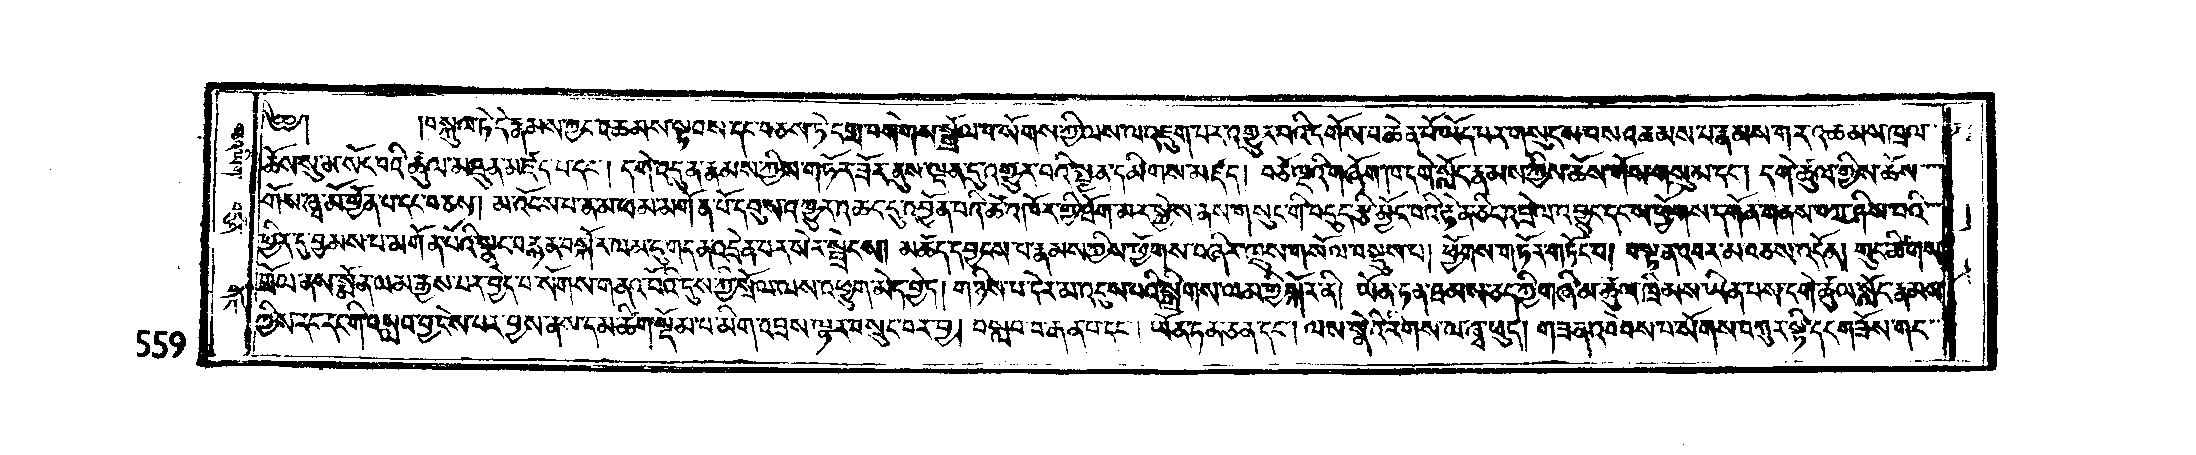༄༅། །བསྐུལ་ཏེ་དེ་རྣམས་ཀྱང་འཆམས་སྟབས་དང་བཅས་ཏེ་དགྲ་བགེགས་སྒྲོལ་བ་སོགས་ཀྱི་ལས་ལ་འཇུག་པར་འགྱུར་བའི་དགོས་པ་ཆེན་པོ་ཡོད་པར་གསུངས་བས་འཆམས་པ་རྣམས་གར་འཆམས་ཁྲལ་
ཆོས་སུ་མ་སོང་བའི་ཚུལ་མཐུན་མཛད་པ་དང་། དགེ་འདུན་རྣམས་ཀྱིས་གཏོར་ཟོར་ནུས་ལྡན་དུ་འགྱུར་བའི་སྤྱན་དམིགས་མཛད། བཅོ་ལྔའི་གཞོག་ཁ་དགེ་སློང་རྣམས་ཀྱིས་ཆོས་གོས་གསུམ་དང་། དགེ་ཚུལ་གྱིས་ཆོས་
གོས་ཞྭ་མོ་གྱོན་པ་དང་བཅས། མ་འོངས་པ་ན་མ་ཕམ་མགོན་པོ་དབུས་འགྱུར་འཆང་དུ་འབྱོན་པའི་ཚེ་འཁོར་གྱི་ཐོག་མར་སྐྱེས་ནས་གསུང་གི་བདུད་རྩི་མྱོང་བའི་རྟེན་ཅིང་འབྲེལ་འབྱུང་དང་ས་ཕྱོགས་དགོན་གནས་བཀྲ་ཤིས་པའི་
ཕྱིར་དུ་བྱམས་པ་མགོན་པོའི་སྣང་བརྙན་བསྐོར་ལམ་དུ་གདན་འདྲེན་པར་སེར་སྦྲེངས། མཆོད་དབྱངས་པ་རྣམས་ཀྱིས་ཕྱོགས་བཞིར་ཁྲུས་གསོལ་བསྡུས་པ། ཕྱོགས་གཏོར་གཏོང་བ། བསྟན་འབར་མ་བཅས་འདོན། གུང་ཚིགས་
གྲོལ་ནས་སྨོན་ལམ་རྒྱས་པར་བྱེད་པ་སོགས་གནའ་བོའི་དུས་ཀྱི་སྲོལ་ལས་འཕྱུག་མེད་བྱེད། གཉིས་པ་དེར་མ་འདུས་པའི་སྒྲིགས་ལམ་གྱི་སྐོར་ནི། ཡོན་ཏན་ཐམས་ཅད་ཀྱི་གཞི་མ་ཚུལ་ཁྲིམས་ཡིན་པས་དགེ་ཚུལ་སློང་རྣམས་
ཀྱིས་རང་རང་གི་བསླབ་བྱ་ངེས་པར་བྱས་ནས་དམ་ཚིག་སྡོམ་པ་མིག་འབྲས་ལྟར་བསྲུང་བར་བྱ། བསླབ་བ་རྒན་པ་དང་། ཡོན་ཏན་ཅན་དང་། ལས་སྣེའི་རིགས་ལ་ཞྭ་ཕུད། གཟན་འབེབས་པ་སོགས་བཀུར་སྟི་དང་གཟོས་གང་